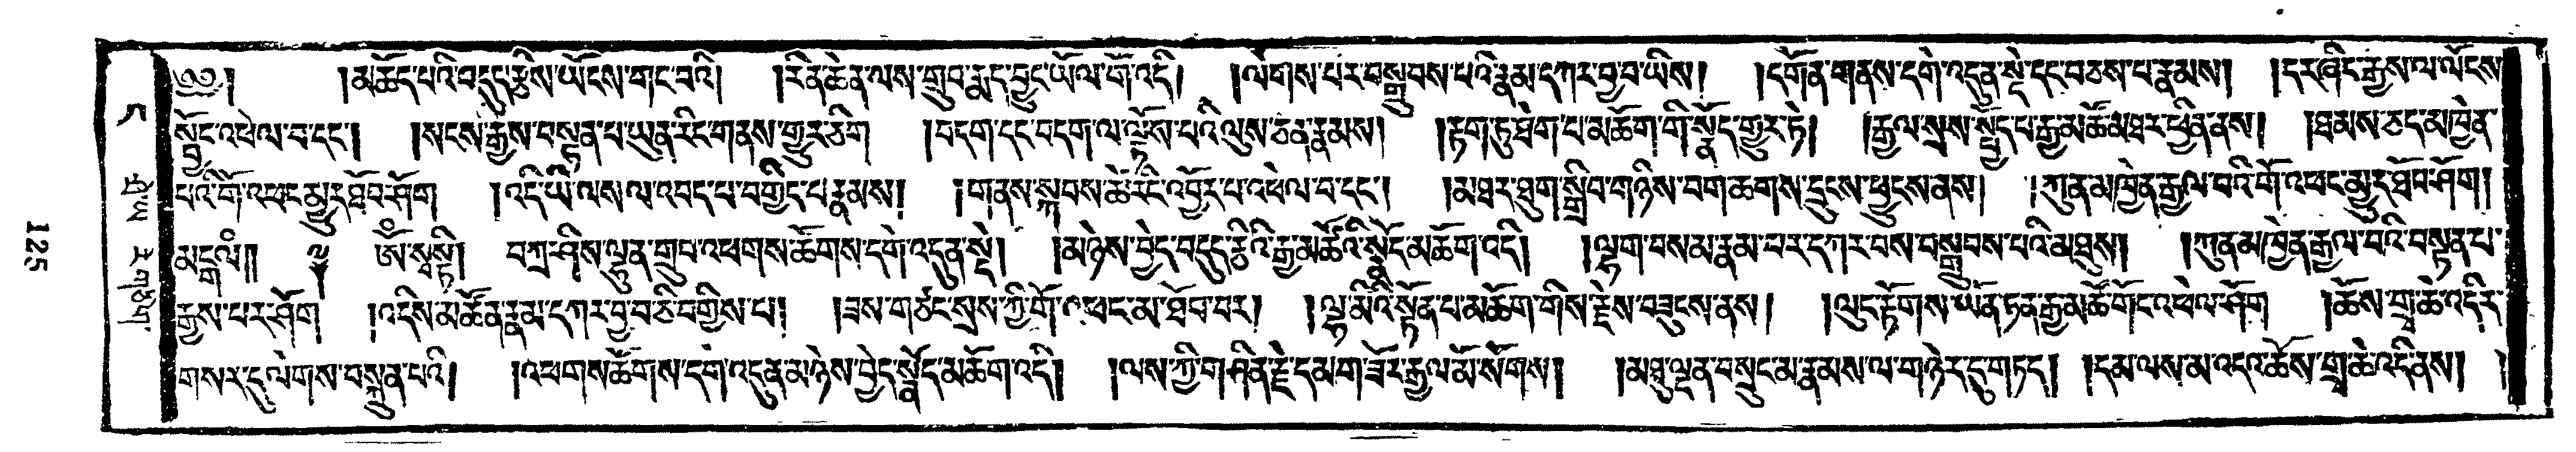༄༅། །མཆོད་པའི་བདུད་རྩིས་ཡོངས་གང་བའི། །རིན་ཆེན་ལས་གྲུབ་རྨད་བྱུང་ཡོལ་གོ་འདི། །ལེགས་པར་བསྒྲུབས་པའི་རྣམ་དཀར་བྱ་བ་ཡིས། །དགོན་གནས་དགེ་འདུན་སྡེ་དང་བཅས་པ་རྣམས། །དར་ཞིང་རྒྱས་ལ་ལོངས་
སྦྱོང་འཕེལ་བ་དང་། །སངས་རྒྱས་བསྟན་པ་ཡུན་རིང་གནས་གྱུར་ཅིག །བདག་དང་བདག་ལ་ལྟོས་པའི་ལུས་ཅན་རྣམས། །རྟག་ཏུ་ཐེག་པ་མཆོག་གི་སྣོད་གྱུར་ཏེ། །རྒྱལ་སྲས་སྤྱོད་པ་རྒྱ་མཚོ་མཐར་ཕྱིན་ནས། །ཐམས་ཅད་མཁྱེན་
པའི་གོ་འཕང་མྱུར་ཐོབ་ཤོག །འདི་ཡི་ལས་ལ་འབད་པ་བགྱིད་པ་རྣམས། །གནས་སྐབས་ཚེ་རིང་འབྱོར་པ་འཕེལ་བ་དང་། །མཐར་ཐུག་སྒྲིབ་གཉིས་བག་ཆགས་དྲུངས་ཕྱུངས་ནས། །ཀུན་མཁྱེན་རྒྱལ་བའི་གོ་འཕང་མྱུར་ཐོབ་ཤོག།
མངྒལཾ།། ༈ ཨོཾ་སྭསྟི། བཀྲ་ཤིས་ལྷུན་གྲུབ་འཕགས་ཆོགས་དགེ་འདུན་སྡེ། །མཉེས་བྱེད་བདུད་རྩིའི་རྒྱ་མཚོའི་སྣོད་མཆོག་འདི། །ལྷག་བསམ་རྣམ་པར་དཀར་བས་བསྒྲུབས་པའི་མཐུས། །ཀུན་མཁྱེན་རྒྱལ་བའི་བསྟན་པ་
རྒྱས་པར་ཤོག །འདིས་མཚོན་རྣམ་དཀར་བྱ་བ་ཅི་བགྱིས་པ། །ཟས་གཙང་སྲས་ཀྱི་གོ་འཕང་མ་ཐོབ་བར། །ལྷ་མིའི་སྟོན་པ་མཆོག་གིས་རྗེས་བཟུངས་ནས། །ལུང་རྟོགས་ཡོན་ཏན་རྒྱ་མཚོ་གོང་འཕེལ་ཤོག །ཆོས་གྲྭ་ཆེ་འདིར་
གསར་དུ་ལེགས་བསྐྲུན་པའི། །འཕགས་ཚོགས་དགེ་འདུན་མཉེས་བྱེད་སྣོད་མཆོག་འདི། །ལས་ཀྱི་གཤིན་རྗེ་དམག་ཟོར་རྒྱལ་མོ་སོགས། །མཐུ་ལྡན་བསྲུང་མ་རྣམས་ལ་གཉེར་དུ་གཏད། །དམ་ལས་མ་འདའ་ཆོས་གྲྭ་ཆེ་འདི་ནས། །